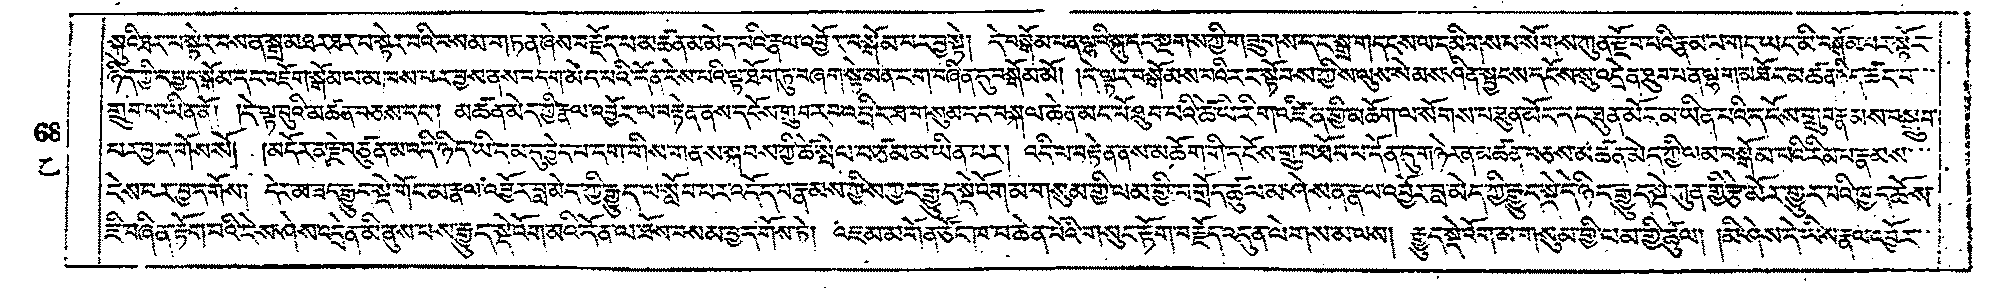སྐུའི་ཐར་པ་སྟེར་བས་ན་སྒྲ་མཐར་ཐར་པ་སྟེར་བའི་བསམ་གཏན་ཞེས་བརྗོད་པ་མཚན་མ་མེད་པའི་རྣལ་འབྱོར་བསྒོམ་པར་བྱ་སྟེ། དེ་བསྒོམ་པ་ན་ལྷའི་སྐུ་དང་སྔགས་ཀྱི་གཟུགས་དང་སྒྲ་གདངས་ལ་དམིགས་པ་སོགས་ཀུན་རྫོབ་པའི་རྣམ་པ་གང་ཡང་མི་བསྒོམ་པར་སྟོང་
ཉིད་ཀྱི་དཔྱད་སྒོམ་དང་འཇོག་སྒོམ་ལ་མཁས་པར་བྱས་ནས་བདག་མེད་པའི་དོན་ངེས་པའི་ལྟ་ཐོག་ཏུ་བཞག་སྟེ་མན་ངག་བཞིན་དུ་བསྒོམ་མོ། །དེ་ལྟར་བསྒོམས་པའི་རང་སྟོབས་ཀྱིས་ལུས་སེམས་ཤིན་སྦྱངས་དངོས་སུ་འདྲེན་ཐུབ་པ་ན་ལྷག་མཐོང་མཚན་ཉིད་ཚང་བ་་་
གྲུབ་པ་ཡིན་ནོ། །དེ་ལྟ་བུའི་མཚན་བཅས་དང་། མཚན་མེད་ཀྱི་རྣལ་འབྱོར་ལ་བརྟེན་ནས་དངོས་གྲུབ་རབ་འབྲིང་ཐ་གསུམ་ངང་བསྐལ་ཆེན་མང་པོ་ཐུབ་པའི་ཚེ་ཡི་རིག་འཛིན་གྱི་མཆོག་ལ་སོགས་པ་ཐུན་མོང་དང་ཐུན་མོང་མ་ཡིན་པའི་དངོས་གྲུབ་རྣམས་བསྒྲུབ་
པར་བྱ་དགོས་སོ། །མདོར་ན་རྗེ་བཙུན་མ་འདི་ཉིད་ཡི་དམ་དུ་བྱེད་པ་དག་གིས་གནས་སྐབས་ཀྱི་ཚེ་སྤེལ་བ་ཙམ་མ་ཡིན་པར། འདི་ལ་བརྟེན་ནས་མཆོག་གི་དངོས་གྲུབ་ཐོབ་པ་དོན་དུ་གཉེར་ན་མཚན་བཅས་མཚན་མེད་ཀྱི་ལམ་བསྒོམ་པའི་རིམ་པ་རྣམྶ་་་
ངེས་པར་བྱ་དགོས། དེར་མ་ཟད་རྒྱུད་སྡེ་གོང་མ་རྣལ་འབྱོར་བླ་མེད་ཀྱི་རྒྱུད་ལ་སློབ་པར་འདོད་པ་རྣམས་ཀྱིས་ཀྱང་རྒྱུད་སྡེ་འོག་མ་གསུམ་གྱི་ལམ་གྱི་བགྲོད་ཚུལ་མ་ཤེས་ན་རྣལ་འབྱོར་བླ་མེད་ཀྱི་རྒྱུད་སྡེ་དེ་ཉིད་རྒྱུད་སྡེ་ཀུན་གྱི་རྩེ་མོར་གྱུར་པའི་ཁྱད་ཆོས་
ཇི་བཞིན་རྟོག་པའི་ངེས་ཤེས་འདྲེན་མི་ནུས་པས་རྒྱུད་སྡེ་འོག་མའི་དོན་ལ་ཐོས་བསམ་བྱ་དགོས་ཏེ། འཇམ་མགོན་ཙོང་ཁ་པ་ཆེན་པོའི་གསུང་རྟོག་བརྗོད་འདུན་ལེགས་མ་ལས། རྒྱུད་སྡེ་འོག་མ་གསུམ་གྱི་ལམ་གྱི་ཚུལ། །མི་ཤེས་དེ་ཡིས་རྣལ་འབྱོར་་་